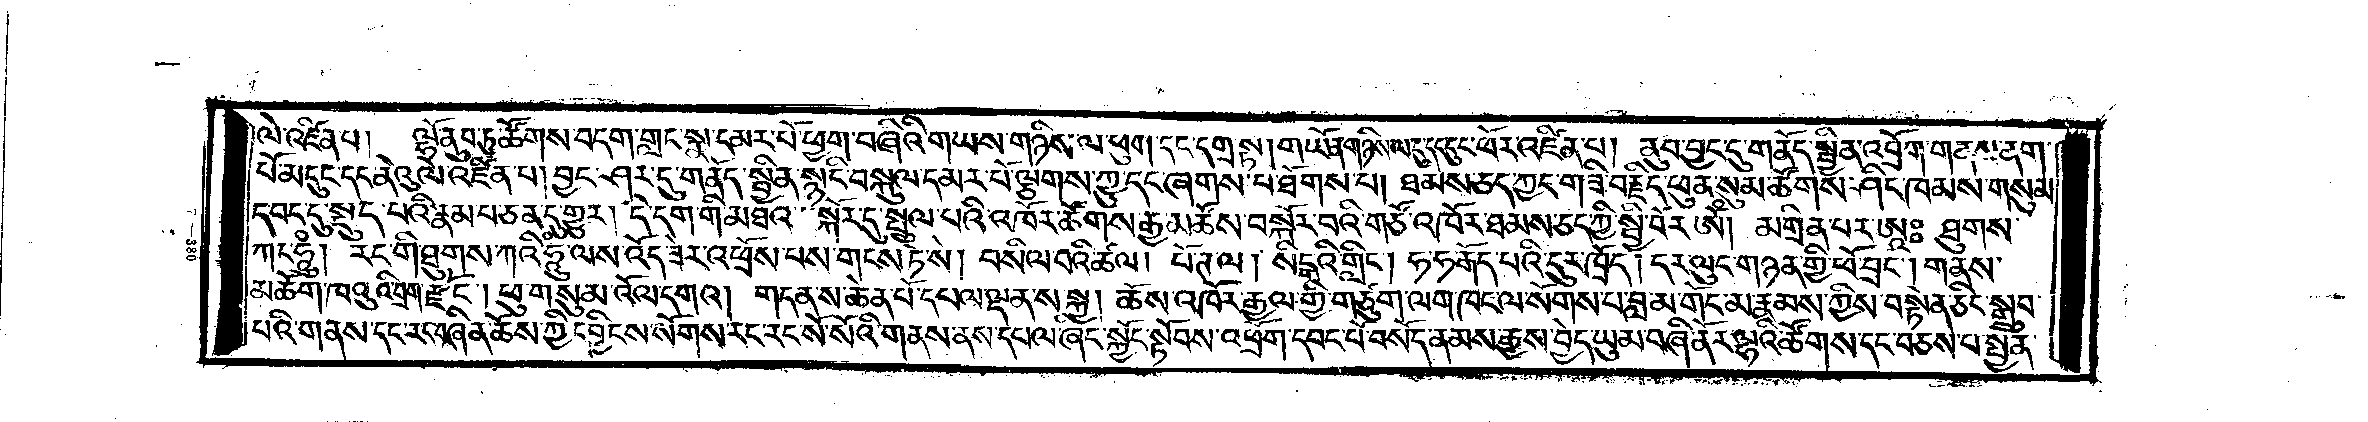ལེ་འཛིན་པ། ལྷོ་ནུབ་ཏུ་ཚོགས་བདག་གླང་སྣ་དམར་པོ་ཕྱག་བཞིའི་གཡས་གཉིས་ལ་ཕུག་དང་དགྲ་སྟ། གཡོན་གཉིས་ལ་དུ་དང་དུང་ཕོར་འཛིན་པ། ནུབ་བྱང་དུ་གནོད་སྦྱིན་འབྲོག་གནས་ནག་
པོ་མདུང་དང་ནེའུ་ལེ་འཛིན་པ། བྱང་ཤར་དུ་གནོད་སྦྱིན་སྙིང་བསྐུལ་དམར་པོ་ལྕགས་ཀྱུ་དང་ཞགས་པ་ཐོགས་པ། ཐམས་ཅད་ཀྱང་གཟི་བརྗིད་ཕུན་སུམ་ཚོགས་ཤིང་ཁམས་གསུམ་
དབང་དུ་སྡུད་པའི་རྣམ་པ་ཅན་དུ་གྱུར། དེ་དག་གི་མཐའ་སྐོར་དུ་སྤྲུལ་པའི་འཁོར་ཚོགས་རྒྱ་མཚོས་བསྐོར་བའི་གཙོ་འཁོར་ཐམས་ཅད་ཀྱི་སྤྱི་བོར་ཨོཾ། མགྲིན་པར་ཨཱཿཐུགས་
ཀར་ཧཱུཾ། རང་གི་ཐུགས་ཀའི་ཧཱུཾ་ལས་འོད་ཟེར་འཕྲོས་པས་གངས་ཏེ་སེ། བསིལ་བའི་ཚལ། པོ་ཏ་ལ། སིངྒའི་གླིང་། ཧ་ཧ་རྒོད་པའི་དུར་ཁྲོད། དར་ལུང་གཉན་གྱི་ཕོ་བྲང་། གནས་
མཆོག་ཁའུའི་བྲག་རྫོང་། ཕུ་གསུམ་འོལ་དགའ། གདན་ས་ཆེན་པོ་དཔལ་ལྡན་ས་སྐྱ། ཆོས་འཁོར་རྒྱལ་གྱི་གཙུག་ལག་ཁང་ལ་སོགས་པ་བླ་མ་གོང་མ་རྣམས་ཀྱིས་བསྟེན་ཅིང་སྒྲུབ་
པའི་གནས་དང་རང་བཞིན་ཆོས་ཀྱི་དབྱིངས་སོགས་རང་རང་སོ་སོའི་གནས་ནས་དཔལ་ཞིང་སྐྱོང་སྟོབས་འཕྲོག་དབང་པོ་བསོད་ནམས་རྒྱས་བྱེད་ཡུམ་བཞི་ནོར་ལྷའི་ཚོགས་དང་བཅས་པ་སྦྱིན་